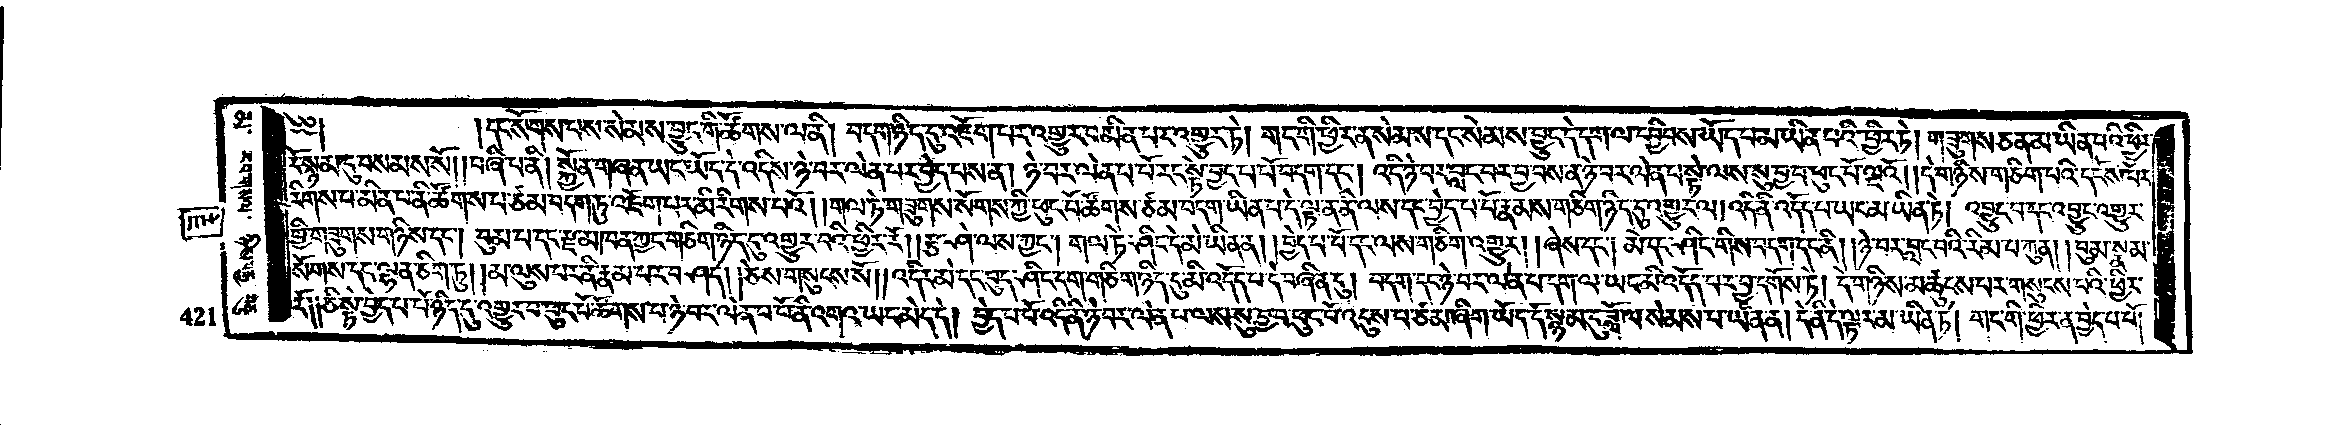༄༅། །དང་སོགས་པས་སེམས་བྱུང་གི་ཚོགས་ལ་ནི། བདག་ཉིད་དུ་འཇོག་པར་འགྱུར་བ་མིན་པར་འགྱུར་ཏེ། གང་གི་ཕྱིར་ན་སེམས་དང་སེམས་བྱུང་དེ་དག་ལ་དབྱིབས་ཡོད་པ་མ་ཡིན་པའི་ཕྱིར་ཏེ། གཟུགས་ཅན་མ་ཡིན་པའི་ཕྱིར་
རོ་སྙམ་དུ་བསམས་སོ། །བཞི་པ་ནི། སྐྱོན་གཞན་ཡང་ཡོད་དེ་འདིས་ཉེ་བར་ལེན་པར་བྱེད་པས་ན། ཉེ་བར་ལེན་པ་པོ་རང་སྟེ་བྱས་པ་པོ་བདག་དང་། འདི་ཉེ་བར་བླང་བར་བྱ་བས་ན་ཉེ་བར་ལེན་པ་སྟེ་ལས་སུ་བྱ་བ་ཕུང་པོ་ལྔའོ། །དེ་གཉིས་གཅིག་པའི་དངོས་པར་
རིགས་པ་མིན་པ་ནི་ཚོགས་པ་ཙམ་བདག་ཏུ་འཇོག་པར་མི་རིགས་པའོ། །གལ་ཏེ་གཟུགས་སོགས་ཀྱི་ཕུང་པོ་ཚོགས་ཙམ་བདག་ཡིན་པ་དེ་ལྟ་ན་ནི་ལས་དང་བྱེད་པ་པོ་རྣམས་གཅིག་ཉིད་དུ་འགྱུར་ལ། འདི་ནི་འདོད་པ་ཡང་མ་ཡིན་ཏེ། འབྱུང་བ་དང་འབྱུང་འགྱུར་
གྱི་གཟུགས་གཉིས་དང་། བུམ་པ་དང་རྫ་མཁན་ཀྱང་གཅིག་ཉིད་དུ་འགྱུར་བའི་ཕྱིར་རོ། །རྩ་ཤེ་ལས་ཀྱང་། གལ་ཏེ་ཤིང་དེ་མེ་ཡིན་ན། །བྱེད་པ་པོ་དང་ལས་གཅིག་འགྱུར། །ཞེས་དང་། མེ་དང་ཤིང་གིས་བདག་དང་ནི། །ཉེ་བར་བླང་བའི་རིམ་པ་ཀུན། །བུམ་སྣམ་
སོགས་དང་ལྷན་ཅིག་ཏུ། །མ་ལུས་པར་ནི་རྣམ་པར་བཤད། །ཅེས་གསུངས་སོ། །འདིར་མེ་དང་བུད་ཤིང་དག་གཅིག་ཉིད་དུ་མི་འདོད་པ་དེ་བཞིན་དུ། བདག་དང་ཉེ་བར་ལེན་པ་དག་ལ་ཡང་མི་འདོད་པར་བྱ་དགོས་ཏེ། དེ་གཉིས་མཚུངས་པར་གསུངས་པའི་ཕྱིར་
རོ། །ཅི་སྟེ་བྱེད་པ་པོ་ཉིད་དུ་འགྱུར་བ་ཕུང་པོ་ཚོགས་པ་ཉེ་བར་ལེན་པ་པོ་ནི་འགའ་ཡང་མེད་དེ། བྱེད་པ་པོ་འདི་ནི་ཉེ་བར་ལེན་པ་ལས་སུ་བྱ་བ་ཕུང་པོ་འདུས་པ་ཙམ་ཞིག་ཡོད་དོ་སྙམ་དུ་བློ་ལ་སེམས་པ་ཡིན་ན། དེ་ནི་དེ་ལྟར་མ་ཡིན་ཏེ། གང་གི་ཕྱིར་ན་བྱེད་པ་པོ།